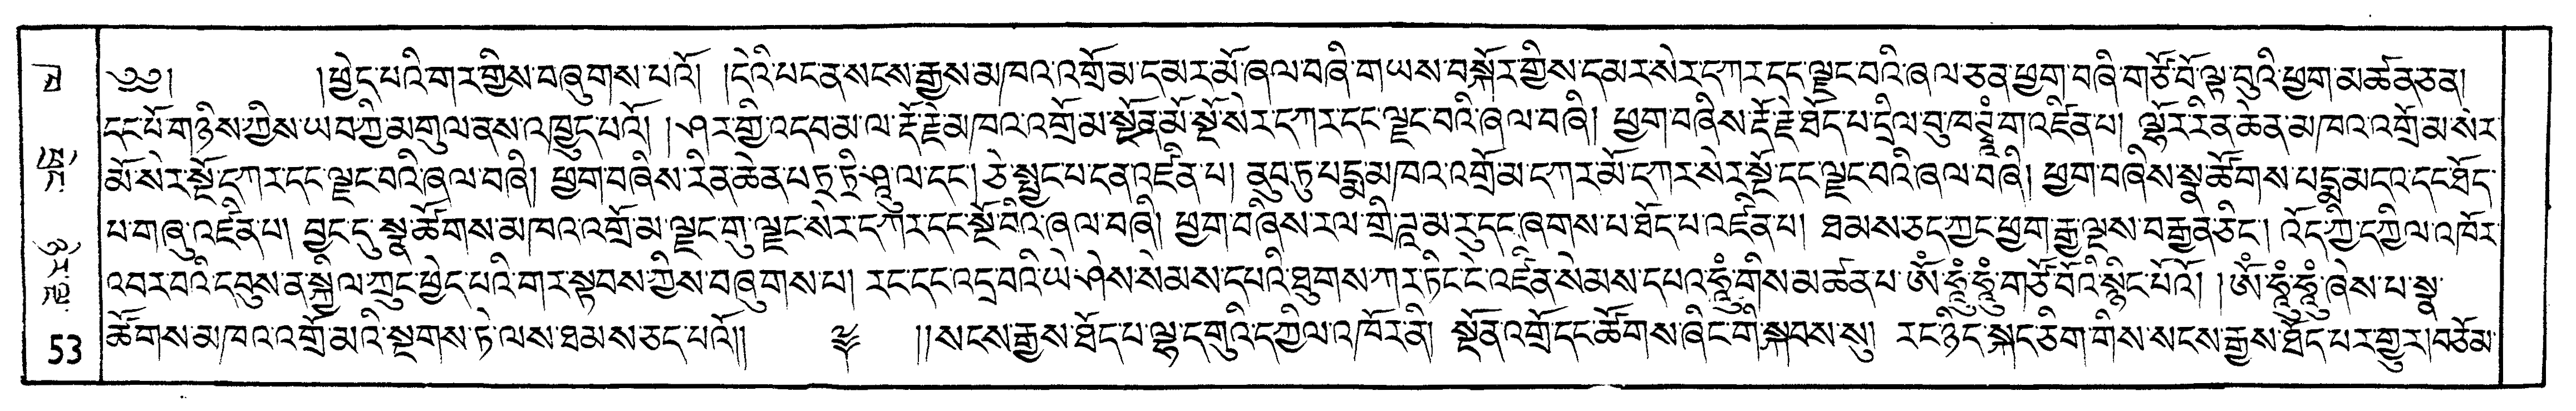༄༅། །ཕྱེད་པའི་གར་གྱིས་བཞུགས་པའོ། །དེའི་པང་ན་སངས་རྒྱས་མཁའ་འགྲོ་མ་དམར་མོ་ཞལ་བཞི་གཡས་བསྐོར་གྱིས་དམར་སེར་དཀར་དང་ལྗང་བའི་ཞལ་ཅན་ཕྱག་བཞི་གཙོ་བོ་ལྟ་བུའི་ཕྱག་མཚན་ཅན།
དང་པོ་གཉིས་ཀྱིས་ཡབ་ཀྱི་མགུལ་ནས་འཁྱུད་པའོ། །ཤར་གྱི་འདབ་མ་ལ་རྡོ་རྗེ་མཁའ་འགྲོ་མ་སྔོན་མོ་སྔོ་སེར་དཀར་དང་ལྗང་བའི་ཞལ་བཞི། ཕྱག་བཞིས་རྡོ་རྗེ་ཐོད་པ་དྲིལ་བུ་ཁ་ཊྭཱཾ་ག་འཛིན་པ། ལྷོར་རིན་ཆེན་མཁའ་འགྲོ་མ་སེར་
མོ་སེར་སྔོ་དཀར་དང་ལྗང་བའི་ཞལ་བཞི། ཕྱག་བཞིས་རིན་ཆེན་པཏྲ་ཏྲི་ཤཱུ་ལ་དང་། ཅེ་སྤྱང་པ་ངན་འཛིན་པ། ནུབ་ཏུ་པདམ་མཁའ་འགྲོ་མ་དཀར་མོ་དཀར་སེར་སྔོ་དང་ལྗང་བའི་ཞལ་བཞི། ཕྱག་བཞིས་སྣ་ཚོགས་པདམ་མདའ་དང་ཐོད་
པ་གཞུ་འཛིན་པ། བྱང་དུ་སྣ་ཚོགས་མཁའ་འགྲོ་མ་ལྗང་གུ་ལྗང་སེར་དཀར་དང་སྔོ་བའི་ཞལ་བཞི། ཕྱག་བཞིས་རལ་གྲི་ཌཱ་མ་རུ་དང་ཞགས་པ་ཐོད་པ་འཛིན་པ། ཐམས་ཅད་ཀྱང་ཕྱག་རྒྱ་ལྔས་བརྒྱན་ཅིང་། འོད་ཀྱི་དཀྱིལ་འཁོར་
འབར་བའི་དབུས་ན་སྐྱིལ་ཀྲུང་ཕྱེད་པའི་གར་སྟབས་ཀྱིས་བཞུགས་པ། རང་དང་འདྲ་བའི་ཡེ་ཤེས་སེམས་དཔའི་ཐུགས་ཀར་ཏིང་ངེ་འཛིན་སེམས་དཔའ་ཧཱུཾ་གིས་མཚན་པ་ཨོཾ་ཧཱུཾ་ཧཱུཾ་གཙོ་བོའི་སྙིང་པོའོ། །ཨོཾ་ཧཱུཾ་ཧཱུཾ་ཞེས་པ་སྣ་
ཚོགས་མཁའ་འགྲོ་མའི་སྔགས་ཏེ་ལས་ཐམས་ཅད་པའོ།། ༈ །།སངས་རྒྱས་ཐོད་པ་ལྷ་དགུའི་དཀྱིལ་འཁོར་ནི། སྔོན་འགྲོ་དང་ཚོགས་ཞིང་གི་སྐབས་སུ། རང་ཉིད་སྐད་ཅིག་གིས་སངས་རྒྱས་ཐོད་པར་གྱུར། བཅོམ་